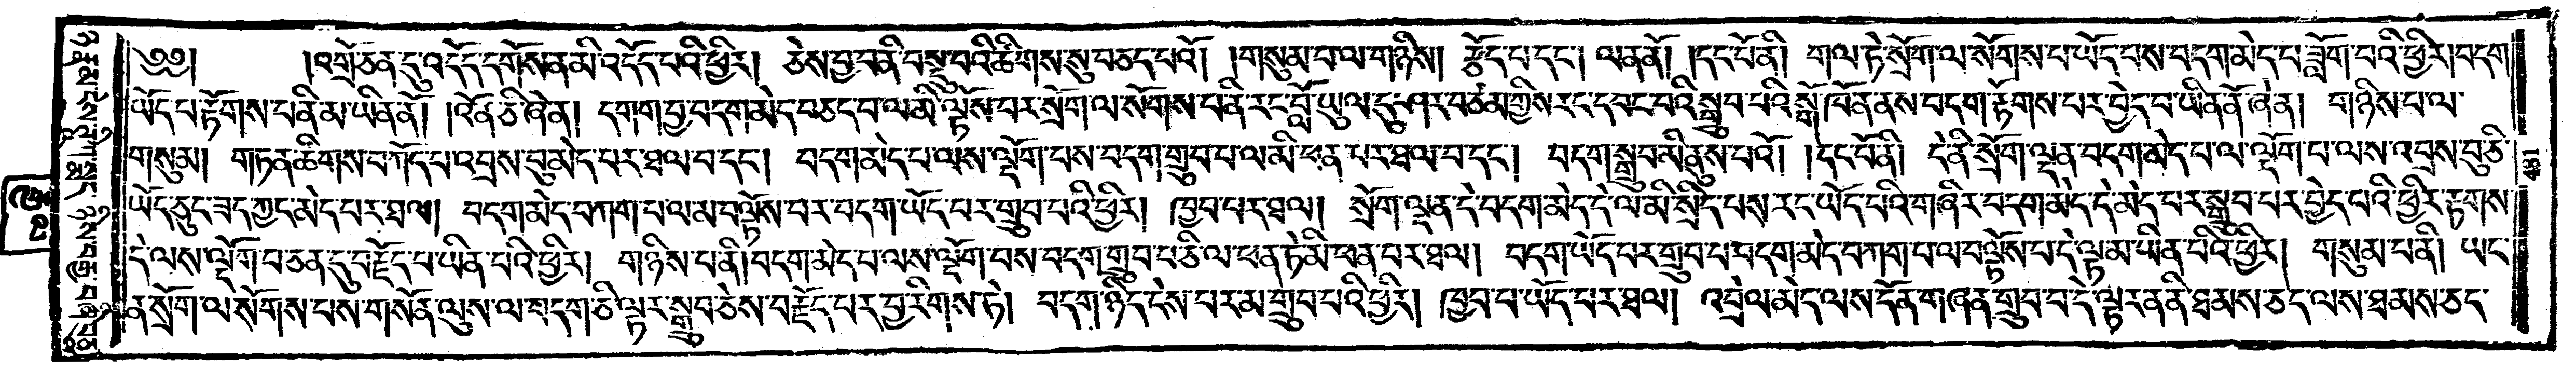༄༅། །འགྲོ་ཅན་དུ་འདོད་དགོས་ན་མི་འདོད་པའི་ཕྱིར། ཅེས་བྱ་བ་ནི་བསྡུ་བའི་ཚིགས་སུ་བཅད་པའོ། །གསུམ་པ་ལ་གཉིས། རྩོད་པ་དང་། ལན་ནོ། །དང་པོ་ནི། གལ་ཏེ་སྲོག་ལ་སོགས་པ་ཡོད་པས་བདག་མེད་པ་ཟློག་པའི་ཕྱིར། བདག་
ཡོད་པ་རྟོགས་པ་ནི་མ་ཡིན་ནོ། །འོ་ན་ཅི་ཞེ་ན། དགག་བྱ་བདག་མེད་བཅད་པ་ལ་མི་ལྟོས་པར་སྲོག་ལ་སོགས་པ་ནི་རང་བློ་ཡུལ་དུ་ཤར་བ་ཙམ་གྱིས་རང་དབང་པའི་སྒྲུབ་པའི་སྒོ་ཁོ་ན་ནས་བདག་རྟོགས་པར་བྱེད་བ་ཡིན་ནོ་ཞེ་ན། གཉིས་པ་ལ་
གསུམ། གཏན་ཚིགས་བཀོད་པ་འབྲས་བུ་མེད་པར་ཐལ་བ་དང་། བདག་མེད་པ་ལས་ལྡོག་པས་བདག་གྲུབ་པ་ལ་མི་ཕན་པར་ཐལ་བ་དང་། བདག་སྒྲུབ་མི་ནུས་པའོ། །དང་པོ་ནི། དེ་ནི་སྲོག་ལྡན་བདག་མེད་པ་ལ་ལྡོག་པ་ལས་འབྲས་བུ་ཅི་
ཡོད་ཅུང་ཟད་ཀྱང་མེད་པར་ཐལ། བདག་མེད་བཀག་པ་ལ་མ་བལྟོས་བར་བདག་ཡོད་པར་གྲུབ་པའི་ཕྱིར། ཁྱབ་པར་ཐལ། སྲོག་ལྡན་དེ་བདག་མེད་དེ་ལ་མི་སྲིད་པས་རང་ཡོད་པའི་གཞིར་བདག་མེད་དེ་མེད་པར་སྒྲུབ་པར་བྱེད་པའི་ཕྱིར་རྟགས་
དེ་ལས་ལྡོག་བ་ཅན་དུ་བརྗོད་པ་ཡིན་པའི་ཕྱིར། གཉིས་པ་ནི། བདག་མེད་པ་ལས་ལྡོག་པས་བདག་གྲུབ་པ་ཅི་ལ་ཕན་ཏེ་མི་ཕན་པར་ཐལ། བདག་ཡོད་པར་གྲུབ་པ་བདག་མེད་བཀག་པ་ལ་བལྟོས་པ་དེ་ལྟ་མ་ཡིན་པའི་ཕྱིར། གསུམ་པ་ནི། ཡང་
ན་སྲོག་ལ་སོགས་པས་གསོན་ལུས་ལ་བདག་ཅི་ལྟར་སྒྲུབ་ཅེས་བརྗོད་པར་བྱ་རིགས་ཏེ། བདག་ཉིད་ངེས་པར་མ་གྲུབ་པའི་ཕྱིར། ཁྱབ་པ་ཡོད་པར་ཐལ། འབྲེལ་མེད་ལས་དོན་གཞན་གྲུབ་བ་དེ་ལྟར་ན་ནི་ཐམས་ཅད་ལས་ཐམས་ཅད་